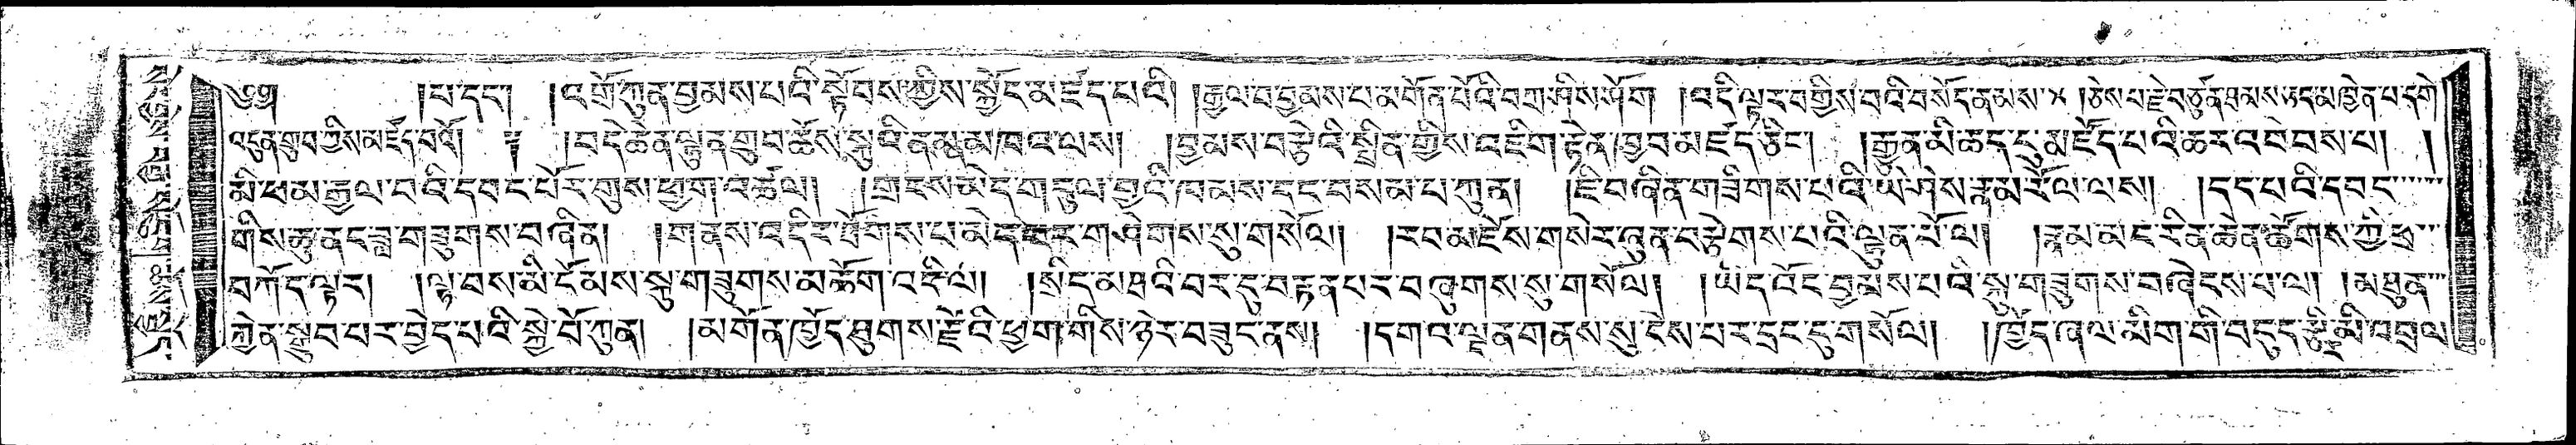༄༅། །པ་དང་། །འགྲོ་ཀུན་བྱམས་པའི་སྟོབས་ཀྱིས་སྐྱོང་མཛད་པའི། །རྒྱལ་བ་བྱམས་པ་མགོན་པོའི་བཀྲ་ཤིས་ཤོག །འདི་ལྟར་བགྱིས་བའི་བསོད་ནམས་{྾}། ཅེས་པ་རྗེ་བཙུན་ཐམས་ཅད་མཁྱེན་པ་དགེ་
འདུན་གྲུབ་ཀྱིས་མཛད་བའོ། ༈ །བདེ་ཆེན་ལྷུན་གྲུབ་ཆོས་སྐུའི་ནམ་མཁའ་ལས། །བྱམས་བརྩེའི་སྤྲིན་གྱིས་འཇིག་རྟེན་ཁྱབ་མཛད་ཅིང་། །རྒྱུན་མི་ཆད་དུ་མཛོད་པའི་ཆར་འབེབས་པ། །
མི་ཕམ་རྒྱལ་བའི་དབང་པོར་གུས་ཕྱག་འཚལ། །གྲངས་མེད་གདུལ་བྱའི་ཁམས་དང་བསམ་པ་ཀུན། །ཇི་བཞིན་གཟིགས་པའི་ཡེ་ཤེས་རྣམ་རོལ་ལས། །དད་པའི་དབང་
གིས་ཆུ་ནང་ཟླ་གཟུགས་བཞིན། །གནས་འདིར་ཐོགས་པ་མེད་པར་གཤེགས་སུ་གསོལ། །རབ་མཛེས་གསེར་ཞུན་བརྩེགས་པའི་ལྷུན་པོ་ལ། །རྣམ་མང་རིན་ཆེན་ཚོགས་ཀྱི་ཕྲ་
བཀོད་ལྟར། །ལྟ་བས་མི་ངོམས་སྐུ་གཟུགས་མཆོག་འདི་ལ། །སྲིད་མཐའི་བར་དུ་བརྟན་པར་བཞུགས་སུ་གསོལ། །ཡིད་འོང་བྱམས་པའི་སྐུ་གཟུགས་བཞེངས་པ་ལ། །མཐུན་
ཀྱེན་སྒྲུབ་པར་བྱེད་པའི་སྐྱེ་བོ་ཀུན། །མགོན་ཁྱོད་ཐུགས་རྗེའི་ཕྱག་གིས་ཉེར་བཟུང་ནས། །དགའ་ལྡན་གནས་སུ་ངེས་པར་དྲང་དུ་གསོལ། །ཁྱོད་ཞལ་མིག་གི་བདུད་རྩིར་མི་འབྲལ་